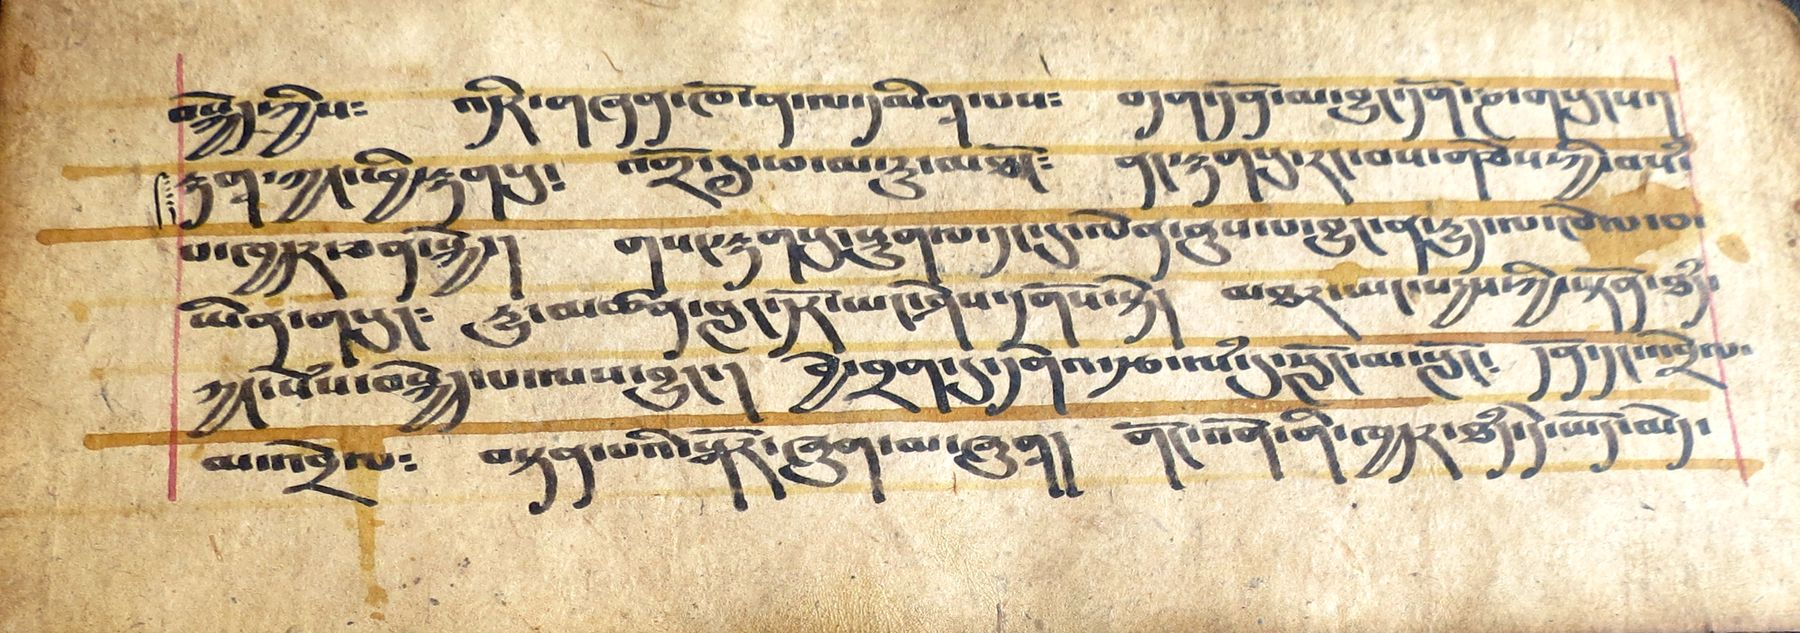བསྐྱེད་ཀྱིས། འདིར་གཞན་དོན་ཁོ་ན་ལ་དམིགས་པས། རང་དོན་མ་བྱུང་དྭོགས་མེད་ཀྱི། 
རྟགས་ཀྱང་ཕྱི་རྟགས་སུ། འགྲོ་དྲུག་ཕ་མ་རུ་མཐོང་། ནང་རྟགས་སུ་རང་བས་གཞན་གཅེས་ཀྱི་བསམ་
པ་ཁྱད་པར་ཅན་སྐྱེ། གསང་རྟགས་སུ་སྡུག་བསྔལ་དང་དུ་ལེན་ནུས་པ་བྱུང་ན་རྒྱུད་ལ་ཁེལ་བ་
ཡིན་གསུངས། རྒྱུ་མཚན་བླང་དོར་ཡང་ཤེས་དགོས་ཏེ། མཐར་ཡང་སངས་རྒྱས་ཀྱི་ཡོན་ཏན་ཐམས་ཅད་
ཀྱང་སེམས་བསྐྱེད་པ་ལས་བྱུང་། བྱེ་བྲག་དུ་དགེ་རྕ་ལ་དུ་སླད་སློང་། དོན་དང་འབྲེལ་
མ་འབྲེལ་ བསྟན་པའུ་སྒོར་ཞུག་མ་ཞུག་ གོང་འགོ་གི་ཁྱད་ཐམས་ཅད་ཡོད་མེད་